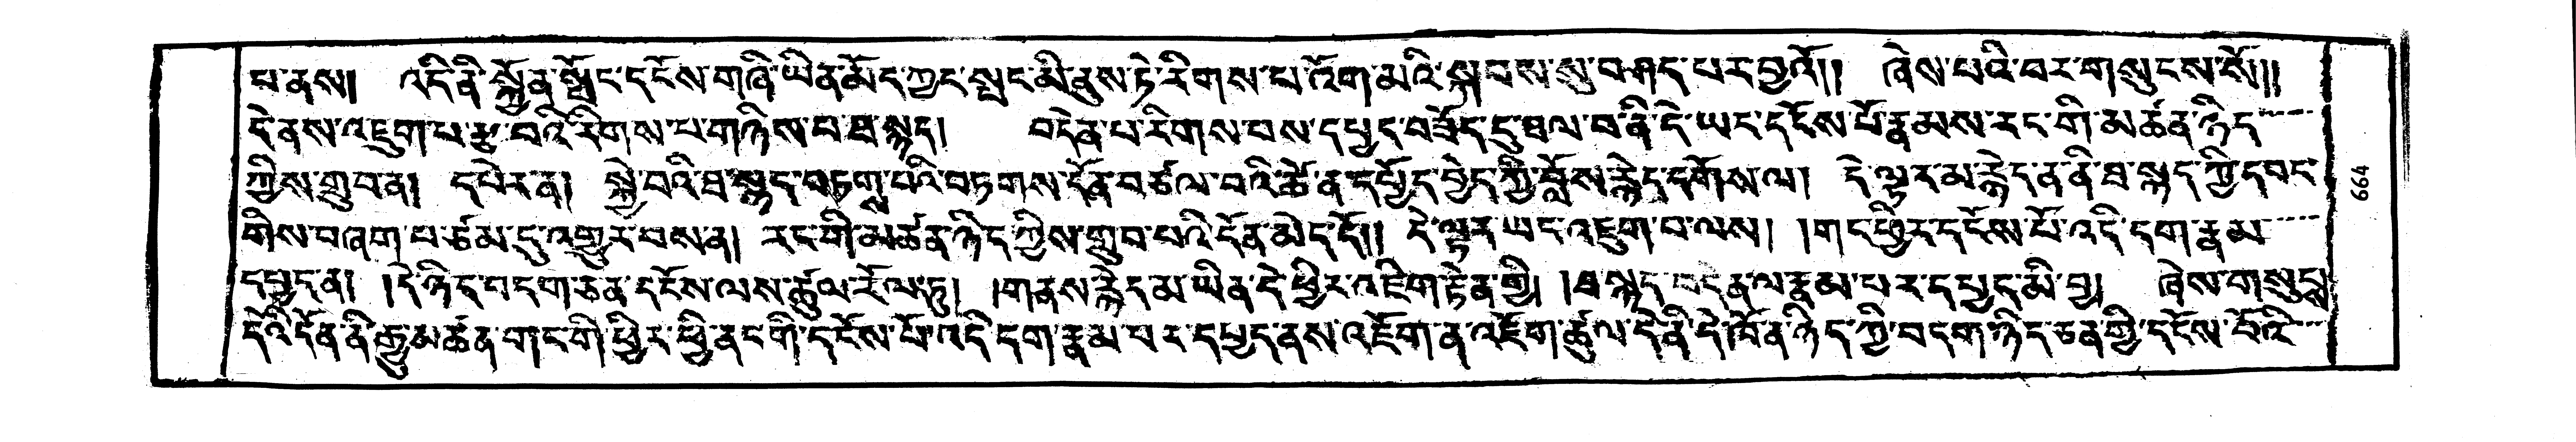པ་ནས། འདི་ནི་སྐྱོན་སྤོང་དངོས་གཞི་ཡིན་མོད་ཀྱང་སྤང་མི་ནུས་ཏེ་རིགས་པ་འོག་མའི་སྐབས་སུ་བཤད་པར་བྱའོ། །ཞེས་པའི་བར་གསུངས་སོ། །
དེ་ནས་འཇུག་པ་རྩ་བའི་རིགས་པ་གཉིས་པ་ཐ་སྙད། བདེན་པ་རིགས་པས་དཔྱད་བཟོད་དུ་ཐལ་བ་ནི་དེ་ཡང་དངོས་པོ་རྣམས་རང་གི་མཚན་ཉིད་
ཀྱིས་གྲུབ་ན། དཔེར་ན། སྐྱེ་བའི་ཐ་སྙད་བཏགས་པའི་བཏགས་དོན་བཙལ་བའི་ཚེ་ན་དཔྱོད་བྱེད་ཀྱི་བློས་རྙེད་དགོས་ལ། དེ་ལྟར་མ་རྙེད་ན་ནི་ཐ་སྙད་ཀྱི་དབང་
གིས་བཞག་པ་ཙམ་དུ་འགྱུར་བས་ན། རང་གི་མཚན་ཉིད་ཀྱིས་གྲུབ་པའི་དོན་མེད་དོ། །དེ་ལྟར་ཡང་འཇུག་པ་ལས། །གང་ཕྱིར་དངོས་པོ་འདི་དག་རྣམ་
དཔྱད་ན། །དེ་ཉིད་བདག་ཅན་དངོས་ལས་ཚུལ་རོལ་ཏུ། །གནས་རྙེད་མ་ཡིན་དེ་ཕྱིར་འཇིག་རྟེན་གྱི། །ཐ་སྙད་བདེན་ལ་རྣམ་པར་དཔྱད་མི་བྱ། ཞེས་གསུངས།
དེའི་དོན་ནི་རྒྱུ་མཚན་གང་གི་ཕྱིར་ཕྱི་ནང་གི་དངོས་པོ་འདི་དག་རྣམ་པར་དཔྱད་ནས་འཇོག་ན་འཇོག་ཚུལ་དེ་ནི་དེ་ཁོ་ན་ཉིད་ཀྱི་བདག་ཉིད་ཅན་གྱི་དངོས་པོའི་